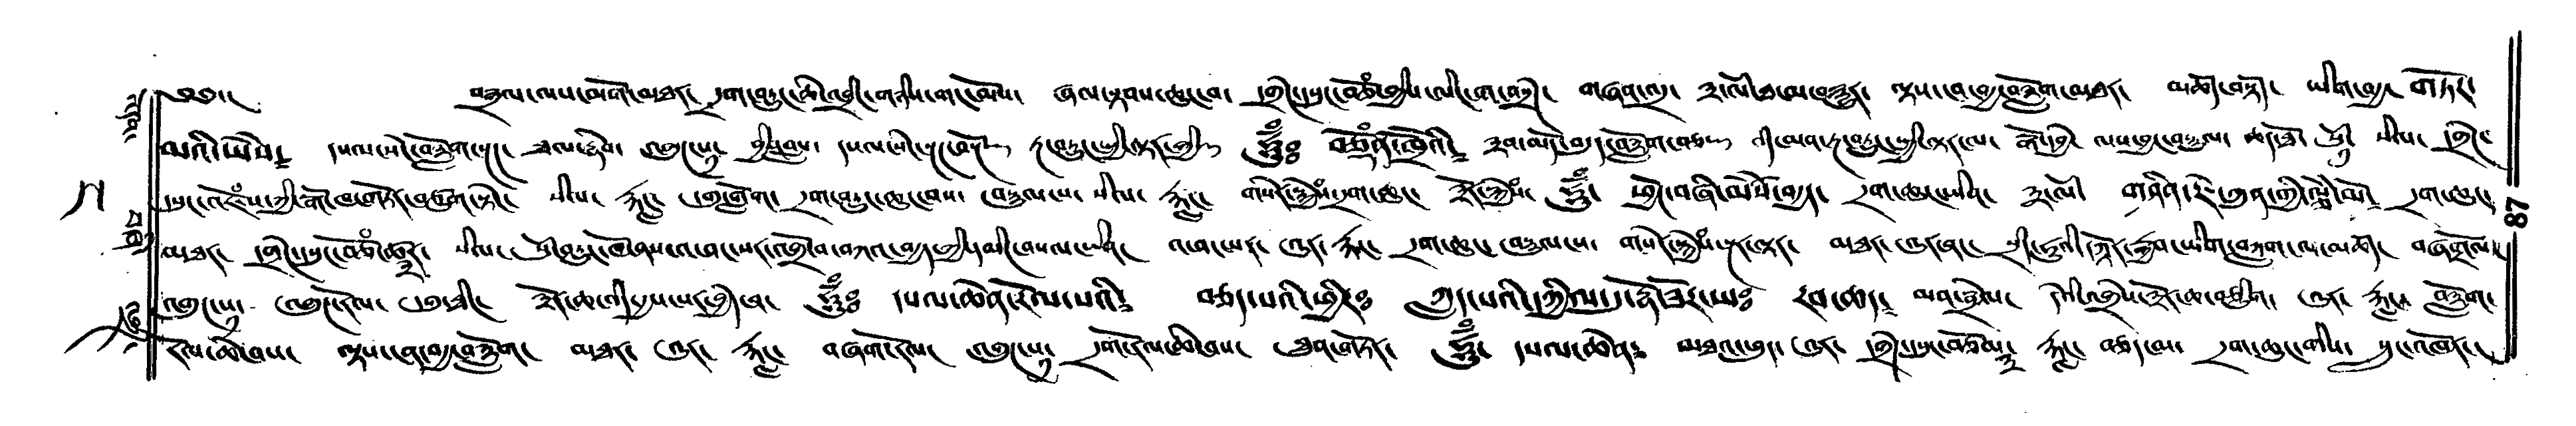༨༧༽ བསྒྲལ་ལས་འགོ་མཐར། དྲག་རྡུང་ཆེ་འབྲིང་གཉིས་གང་མོས། ཞལ་སྟབས་ཆུང་བ། དགྲ་བགེགས་དཔུང་བཅོམ་གྱིས་ལིང་ག་སྲེགས། གཞན་འདྲ། ཟ་ལམ་ཐ་མ་སྐྱུར། ལྟས་ངན་བརྒྱ་ཟློག་མཐར། མཆོད་བསྟོད། ཡིག་བརྒྱ། གཏོར་
མའི་ཡེ་ཤེས༴ དཔལ་སེང་བཟློག་སྔགས། ཐལ་རྡེབ། འགུགས་པ་ལན་གཅིག བྱིན་རླབས། དཔལ་སེང་སྔགས་བསྔོ། རྔ་རྡུང་སྤྱི་ལྟར་གྱིས། ཧཱུྃཿ བཅོམ་ལྡན་ཁྲོ་བོའི༴ ཟབ་མདོ་བདུད་ཟློག་བཅས། འདི་མན་རྔ་རྡུང་སྤྱི་ལྟར་ལ། སྒོ་དབྱེ། ལས་བྱང་བསྐུལ། ཆད་ཐོ། སུམ་གཅིག སིལ། དགྲ་བགེགས་
དཔུང་འཇོམས་ཀྱིས་སྒོ་ཁར་གཏོར་བཙུགས་སྟེང་། སིལ། རྐང་བཞི། དགུ་གློག དྲག་རྡུང་ཆུང་བས། བསྐུལ་པ། སིལ། རྐང་བཞི། གསེར་སྐྱེམས་དྲག་ཆུང་། ཟོར་སྐྱེམས། ཧཱུྃ། ཕྱོགས་བཞི་མཚམས་བརྒྱད༴ དྲག་ཆུང་ཡིན། ཟ་ལམ། གཤིན་རྗེ་ཀུན་གྱི་ལྕམ་མོ༴ དྲག་ཆུང་
མཐར། དགྲ་བགེགས་དཔུང་བཅོམ་ཚར་གསུམ། སིལ། སུམ་རྡུང་ཁོ་ནས་འཕང་སར་འགྲོ་བ་བཀའ་བརྒྱད་ཀྱི་དམིགས་བསལ་ཡིན། འཕང་སར། འུར། རྐང་། དྲག་ཆུང་། སྐུལ་པ། གསེར་སྐྱེམས་སྔར་ལྟར། མཐར་འུར་ནང་། སྲིད་པ་ཧོའི་རྒྱབ་ཡིག་བཀླགས་ལ་མཆོད། བཞག་རོལ། 
འགུགས་པ་ལན་གཅིག འགུགས་རོལ། དགུ་ཐིང་། ཟོར་ཆ་འདི་རྒྱས་པར་བྱེད་ན། ཧཱུྃཿ དཔལ་ཆེན་རོལ་པའི༴ བཅད་པའི་ཕྱིརཿ ཀླད་པའི་དཀྱིལ་དུ་རྡོ་ཟོར་ཡཿ རབ་ཆད༴ མན་སྦྲེལ། དེའི་འགྲོས་ཟོར་ཆ་བཅུ་གཅིག། འུར། རྐང་བཞི། ཟློག་
རོལ་ཆེ་བས། ལྟས་ངན་བརྒྱ་ཟློག མཐར། འུར། རྐང་བཞི། བཞག་རོལ། འགུགས་པ་ལན་གཅིག དྲག་རོལ་ཆེ་བས། ཐུན་གཏོར། ཧཱུྃཿ དཔལ་ཆེན༴ མཐའ་ཕུད། འུར། དགྲ་བགེགས་དཔུང་བཅོམ་གསུམ། རྐང་བཞི། བཅད་མ། དྲག་ཆུང་གིས། སྲུང་འཁོར་།